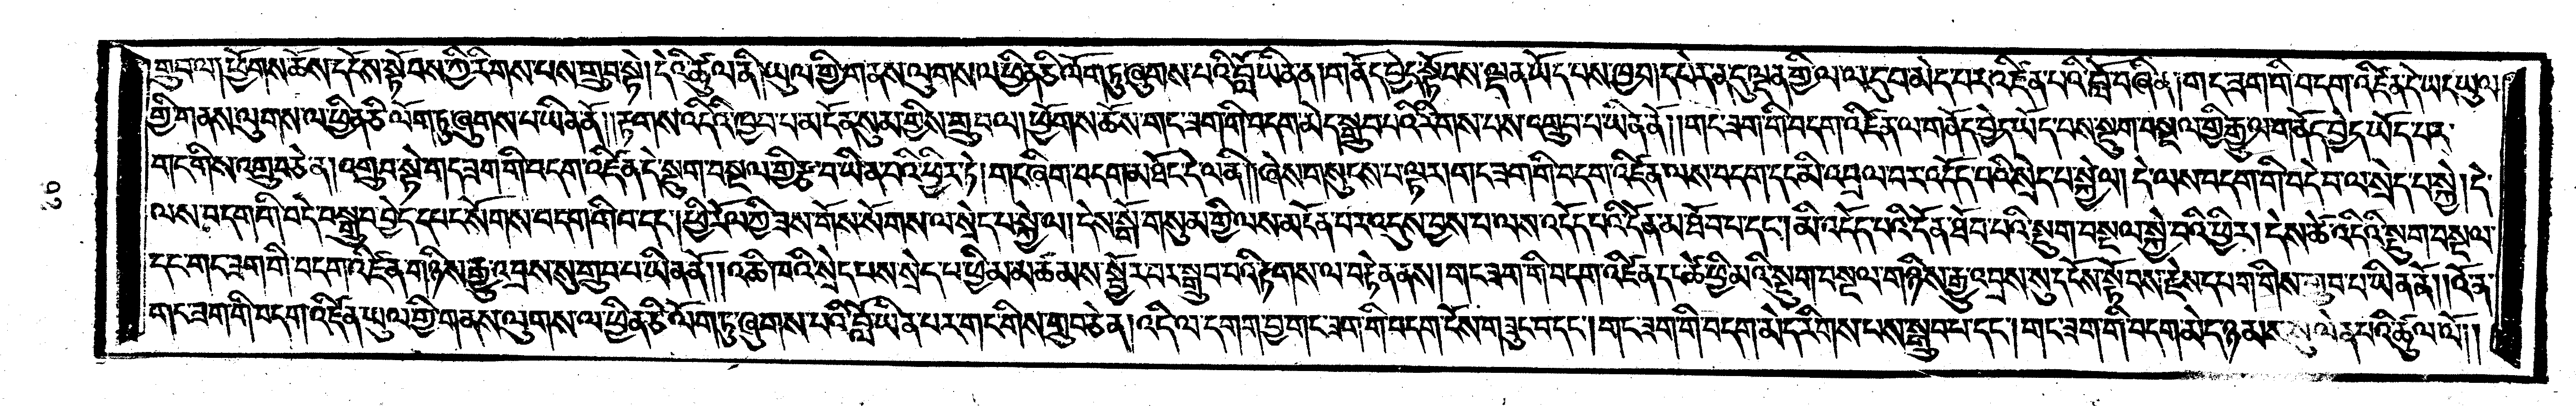གྲུབ་ལ། ཕྱོགས་ཆོས་དངོས་སྟོབས་ཀྱི་རིགས་པས་གྲུབ་སྟེ། དེའི་ཚུལ་ནི། ཡུལ་གྱི་གནས་ལུགས་ལ་ཕྱིན་ཅི་ལོག་ཏུ་ཞུགས་པའི་བློ་ཡིན་ན། གནོད་བྱེད་སྟོབས་ལྡན་ཡོད་པས་ཁྱབ། དཔེར་ན་དུ་ལྡན་གྱི་ལ་ལ་དུ་བ་མེད་པར་འཛིན་པའི་བློ་བཞིན། གང་ཟག་གི་བདག་འཛིན་དེ་ཡང་ཡུལ་
གྱི་གནས་ལུགས་ལ་ཕྱིན་ཅི་ལོག་ཏུ་ཞུགས་པ་ཡིན་ནོ། །རྟགས་འདིའི་ཁྱབ་པ་མངོན་སུམ་གྱིས་གྲུབ་ལ། ཕྱོགས་ཆོས་གང་ཟག་གི་བདག་མེད་སྒྲུབ་པའི་རིགས་པས་འགྲུབ་པ་ཡིན་ནོ། །གང་ཟག་གི་བདག་འཛིན་ལ་གནོད་བྱེད་ཡོད་པས་སྡུག་བསྔལ་གྱི་རྒྱུ་ལ་གནོད་བྱེད་ཡོད་པར་
གང་གིས་འགྲུབ་ཅེ་ན། འགྲུབ་སྟེ་གང་ཟག་གི་བདག་འཛིན་དེ་སྡུག་བསྔལ་གྱི་རྩ་བ་ཡིན་པའི་ཕྱིར་ཏེ། གང་ཞིག་བདག་མཐོང་དེ་ལ་ནི། །ཞེས་གསུངས་པ་ལྟར། གང་ཟག་གི་བདག་འཛིན་ལས་བདག་དང་མི་འབྲལ་བར་འདོད་པའི་སྲེད་པ་སྐྱེ་ལ། དེ་ལས་བདག་གི་བདེ་བ་ལ་སྲེད་པ་སྐྱེ། དེ་
ལས་བདག་གི་བདེ་བ་སྒྲུབ་བྱེད་དབང་སོགས་བདག་གི་བ་དང་། ཕྱི་རོལ་གྱི་ཟས་གོས་སོགས་ལ་སྲེད་པ་སྐྱེ་ལ། དེས་སྒོ་གསུམ་གྱི་ལས་མངོན་པར་འདུས་བྱས་པ་ལས་འདོད་པའི་དོན་མ་ཐོབ་པ་དང་། མི་འདོད་པའི་དོན་ཐོབ་པའི་སྡུག་བསྔལ་སྐྱེ་བའི་ཕྱིར། དེས་ཚེ་འདིའི་སྡུག་བསྔལ་
དང་གང་ཟག་གི་བདག་འཛིན་གཉིས་རྒྱུ་འབྲས་སུ་གྲུབ་པ་ཡིན་ནོ། །འཆི་ཁའི་སྲེད་པས་སྲེད་པ་ཕྱི་མ་མཚམས་སྦྱོར་བར་སྒྲུབ་པའི་རྟགས་ལ་བརྟེན་ནས། གང་ཟག་གི་བདག་འཛིན་དང་ཚེ་ཕྱི་མའི་སྡུག་བསྔལ་གཉིས་རྒྱུ་འབྲས་སུ་དངོས་སྟོབས་རྗེས་དཔག་གིས་གྲུབ་པ་ཡིན་ནོ། །འོ་ན་
གང་ཟག་གི་བདག་འཛིན་ཡུལ་གྱི་གནས་ལུགས་ལ་ཕྱིན་ཅི་ལོག་ཏུ་ཞུགས་པའི་བློ་ཡིན་པར་གང་གིས་གྲུབ་ཅེ་ན། འདི་ལ་དགག་བྱ་གང་ཟག་གི་བདག་ངོས་གཟུང་བ་དང་། གང་ཟག་གི་བདག་མེད་རིགས་པས་སྒྲུབ་པ་དང་། གང་ཟག་གི་བདག་མེད་ཉམས་སུ་ལེན་པའི་ཚུལ་ལོ། །